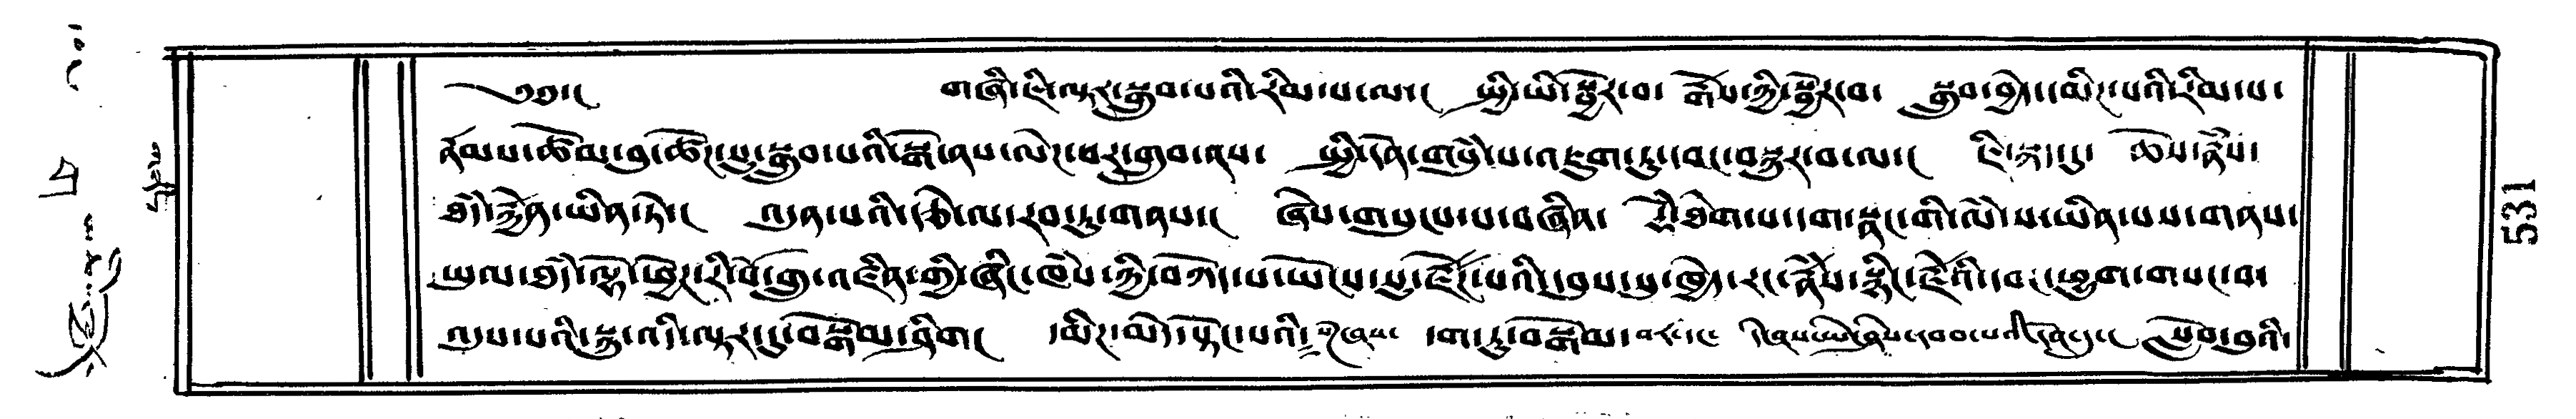གཞི་ཇི་ལྟར་སྒྲུབ་པའི་རིམ་པ་ལ། སྤྱི་ཡི་སྦྱོར་བ། སྒོས་ཀྱི་སྦྱོར་བ། སྒྲུབ་བྱེད་དམིགས་པའི་རིམ་པ་
རྣམས་ཚོམ་བུ་ཚོགས་སུ་སྒྲུབ་པའི་སྒོ་ནས་ལེགས་པར་གྲུབ་ནས། སྤྱི་དོན་གསུམ་པ་མཇུག་ཏུ་དབང་སྐུར་བ་ལ། ཇི་སྐད་དུ། ཆོས་རྣམས་
ཐམས་ཅད་རྐྱེན་ཡིན་ཏེ། །འདུན་པའི་རྩེ་ལ་རབ་ཏུ་གནས། །ཞེས་གསུངས་པ་བཞིན། རྡོ་རྗེ་ཐེག་པ་དག་སྣང་གི་ལམ་ས་ཡིན་པས་གནས་
ཡུལ་ཐམས་ཅད་ལྷོ་ཕྱོགས་རི་བོ་གྲུ་འཛིན་གྱི་ཞིང་ཁམས་ཀྱི་བཀོད་པ་ཡོངས་སུ་རྫོགས་པའི་དབུས་སུ་ཁྱེད་རང་རྣམས་སྙིང་རྗེའི་དབང་ཕྱུག་གསང་བ་
འདུས་པའི་སྐུ་འདི་ལྟར་དུ་སྒོམས་ཤིག དམིགས་མེད་སྟོང་པའི་་སོགས་ནས། དག་ཏུ་སྒོམས། །བར་དང་། དེ་ནས་ཡེ་ཤེས་དབབ་པའི་དོན་དུ་སློབ་བུའི་